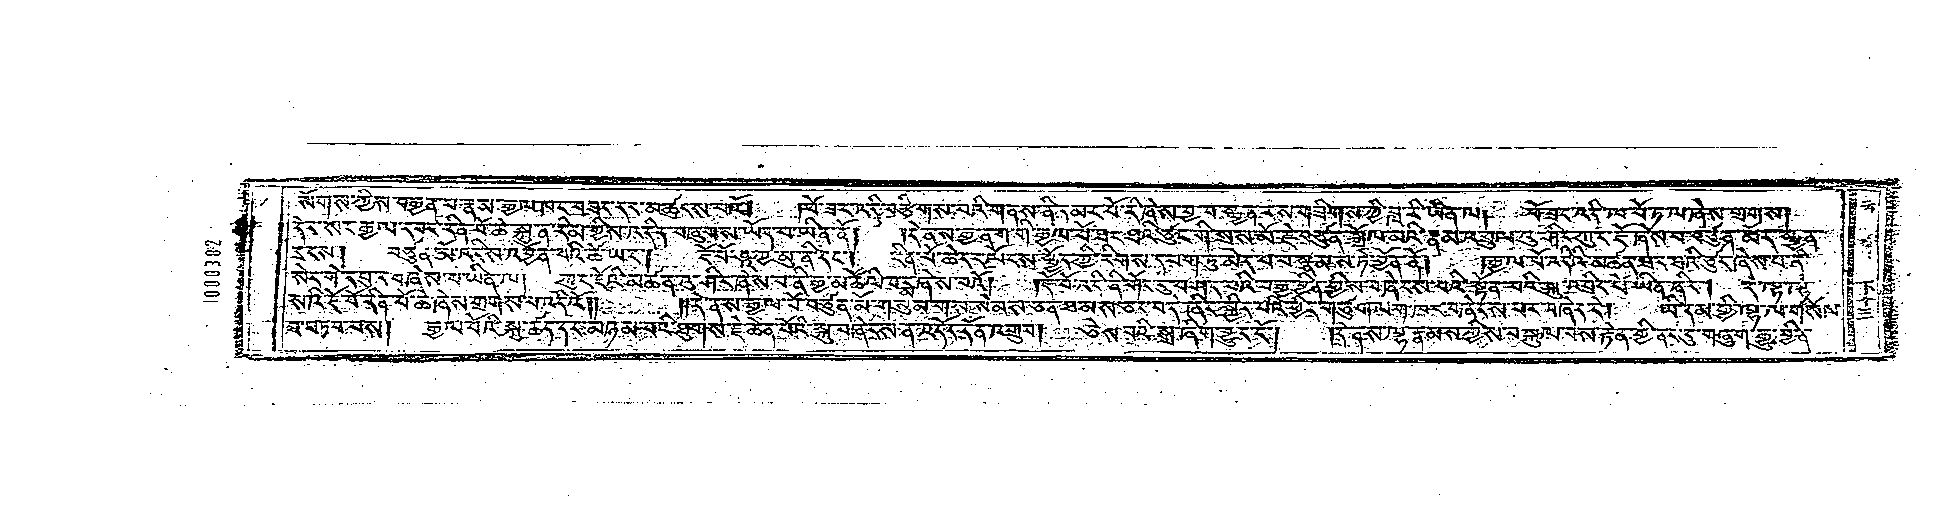སོགས་ཀྱིས་བརྒྱན་པ་རྣམ་རྒྱལ་ཁང་བཟང་དང་མཚུངས་པའོ། །ཕོ་བྲང་འདི་བརྩིགས་བའི་གནས་ནི་དམར་པོ་རི་ཞེས་བྱ་བ་སྤྱན་རས་གཟིགས་ཀྱི་བླ་རི་ཡིན་ལ། ཕོ་བྲང་འདི་ལ་པོ་ཏ་ལ་ཞེས་གྲགས།
དེང་སང་རྒྱལ་དབང་རིན་པོ་ཆེ་སྐུ་ན་རིམ་གྱིས་འདིར་བཞུགས་ཡོད་པ་ཡིན་ནོ། །དེ་ནས་རྒྱ་ནག་གི་རྒྱལ་པོ་ཐང་ཐའི་ཙུང་གི་སྲས་མོ་རྗེ་བཙུན་སྒྲོལ་མའི་རྣམ་འཕྲུལ་འུ་ཤིང་ཀུང་ཇོ་ཞེས་པ་བཙུན་མོར་སྤྱན་
དྲངས། བཙུན་མོ་འདིས་འབྱོན་པའི་ཚེ་ཡང་། ཇོ་བོ་ཤཱཀྱ་མུ་ནི་དང་། རིན་པོ་ཆེ་དང་ལོངས་སྤྱོད་ཀྱི་རིགས་དཔག་ཏུ་མེད་པ་བསྣམས་ཏེ་བྱོན་ནོ། །རྒྱལ་པོ་འདིའི་མཚན་ཐང་ཐའི་ཙུང་ཞེས་པ་ནི་
སེང་གེ་དཔུར་བཞེས་པ་ཡིན་ལ། ཀུང་ཇོའི་མཚན་འུ་ཤིང་ཞེས་པ་ནི་རྒྱ་མཚོའི་པདམ་ཞེས་བའོ། །ཇོ་བོ་འདི་ནི་གོང་དུ་བཤད་པའི་བརྒྱ་བྱིན་གྱིས་བཞེངས་པའི་སྟོན་པའི་སྐུ་འབྲིང་པོ་ཡིན་ཞིང་། ད་ལྟ་ལྷ་
སའི་ཇོ་བོ་རིན་པོ་ཆེ་ཞེས་གྲགས་པ་འདིའོ།། །།དེ་ནས་རྒྱལ་པོ་བཙུན་མོ་གསུམ་གས་སེམས་ཅན་ཐམས་ཅད་བདེ་ཞིང་སྐྱིད་པའི་ཕྱིར་གཙུག་ལག་ཁང་བཞེངས་པར་བཞེད་དེ། ཡི་དམ་གྱི་ལྷ་ལ་གསོལ་
བ་བཏབ་པས། རྒྱལ་པོའི་སྐུ་ཚད་དང་མཉམ་བའི་ཐུགས་རྗེ་ཆེན་པོའི་སྐུ་བཞེངས་ན་འདོད་དོན་འགྲུབ། ཅེས་པའི་སྒྲ་ཞིག་བྱུང་ངོ། །དེ་ནས་ལྷ་རྣམས་ཀྱིས་བསྐུལ་བས་རྟེན་གྱི་ནང་དུ་གཞུག་རྒྱུ་བྱིན་